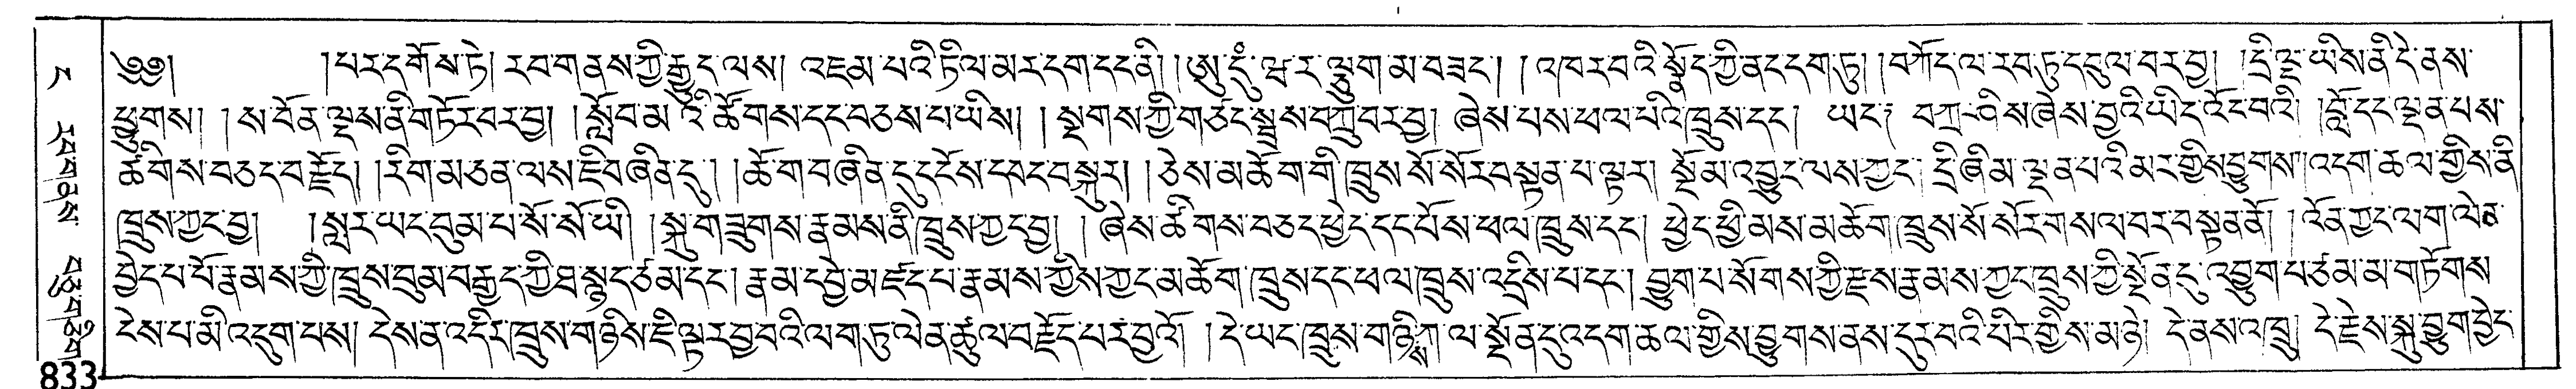༄༅། །པར་དགོས་ཏེ། རབ་གནས་ཀྱི་རྒྱུད་ལས། འཇམ་པའི་ཏིལ་མར་དག་དང་ནི། །ཨུ་དུཾ་ཝ་ར་ལྕུག་མ་བཟང་། །འཁར་བའི་སྣོད་ཀྱི་ནང་དག་ཏུ། །བཀོད་ལ་རབ་ཏུ་དབུལ་བར་བྱ། །དྲི་ལྔ་ཡིས་ནི་དེ་ནས་
ཕྱུགས། །ས་བོན་ལྔས་ནི་གཏོར་བར་བྱ། །སློབ་མའི་ཚོགས་དང་བཅས་པ་ཡིས། །སྔགས་ཀྱི་གཙང་སྦྲས་བཀྲུ་བར་བྱ། ཞེས་པས་ཕལ་པའི་ཁྲུས་དང་། ཡང་། བཀྲ་ཤིས་ཞེས་བྱའི་ཡིད་འོང་བའི། །བློ་དང་ལྡན་པས་
ཚིགས་བཅད་བརྗོད། །རིག་མ་ཅན་ལས་ཇི་བཞིན་དུ། །ཆོ་ག་བཞིན་དུ་དངོས་དབང་བསྐུར། །ཅེས་མཆོག་གི་ཁྲུས་སོ་སོར་བསྟན་པ་ལྟར། སྡོམ་འབྱུང་ལས་ཀྱང་། དྲི་ཞིམ་ལྡན་པའི་མར་གྱིས་བྱུགས། །འདག་ཆལ་གྱིས་ནི་
ཁྲུས་ཀྱང་བྱ། །སླར་ཡང་བུམ་པ་སོ་སོ་ཡི། །སྐུ་གཟུགས་རྣམས་ནི་ཁྲུས་ཀྱང་བྱ། །ཞེས་ཚིགས་བཅད་ཕྱེད་དང་པོས་ཕལ་ཁྲུས་དང་། ཕྱེད་ཕྱི་མས་མཆོག་ཁྲུས་སོ་སོར་གསལ་བར་བསྟན་ནོ། །འོན་ཀྱང་ལག་ལེན་
བྱེད་པ་པོ་རྣམས་ཀྱི་ཁྲུས་བུམ་བརྒྱད་ཀྱི་ཐ་སྙད་ཙམ་དང་། རྣམ་དབྱེ་མཛད་པ་རྣམས་ཀྱིས་ཀྱང་མཆོག་ཁྲུས་དང་ཕལ་ཁྲུས་འདྲིས་པ་དང་། བྱུག་པ་སོགས་ཀྱི་རྫས་རྣམས་ཀྱང་ཁྲུས་ཀྱི་སྔོན་དུ་འབྱུག་པ་ཙམ་མ་གཏོགས་
ངེས་པ་མི་འདུག་པས། དེས་ན་འདིར་ཁྲུས་གཉིས་ཇི་ལྟར་བྱ་བའི་ལག་ཏུ་ལེན་ཚུལ་བརྗོད་པར་བྱའོ། །དེ་ཡང་ཁྲུས་གཉིས་ཀ་ལ་སྔོན་དུ་འདག་ཆལ་གྱིས་བྱུགས་ནས་དུར་བའི་པིར་གྱིས་མཉེ། དེ་ནས་འཁྲུ། དེ་རྗེས་སྐུ་བྱུག་བྱེད་